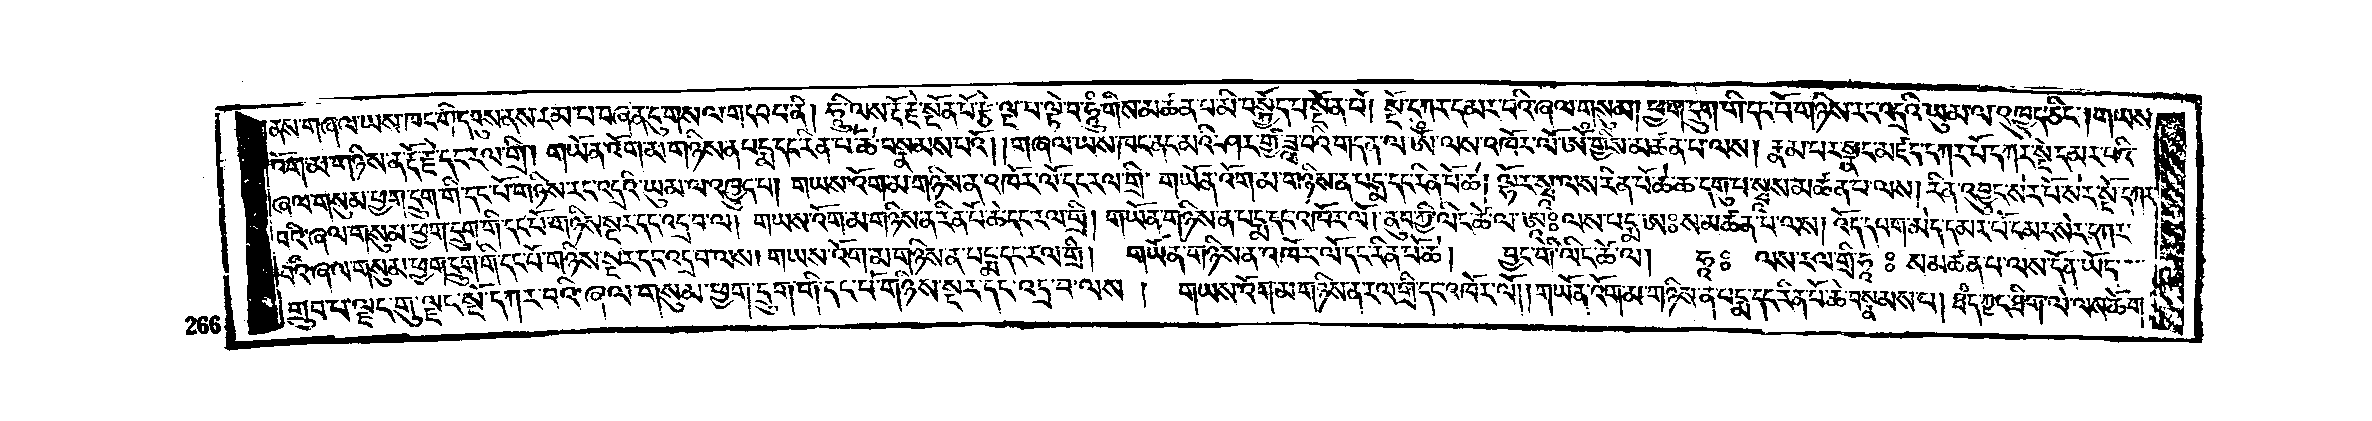ནས་གཞལ་ཡས་ཁང་གི་དབུས་ནས་རམ་པ་བཞན་དུ་གསལ་གདབ་པ་ནི། ཧཱུཾ་ལས་རྡོ་རྗེ་སྔོན་པོ་རྩེ་ལྔ་པ་ལྟེ་བ་ཧཱུཾ་གྱིས་མཚན་པ་མི་བསྐྱོད་པ་སྔོན་པོ། སྔོ་དཀར་དམར་བའི་ཞལ་གསུམ། ཕྱག་དྲུག་གི་དང་པོ་གཉིས་རང་འདྲའི་ཡུམ་ལ་འཁྱུད་ཅིང་། གཡས་
འོག་མ་གཉིས་ན་རྡོ་རྗེ་དང་རལ་གྲི་།གཡོན་འོག་མ་གཉིས་ན་པདམ་དང་རིན་པོ་ཆེ་བསྣམས་པའོ། །གཞལ་ཡས་ཁང་ནང་མའི་ཤར་གྱི་ཟླ་བའི་གདན་ལ་ཨོཾ་ལས་འཁོར་ལོ་ཨོཾ་གྱིས་མཚན་པ་ལས། རྣམ་པར་སྣང་མཛད་དཀར་པོ་དཀར་སྡེ་དམར་པའི་
ཞལ་གསུམ་ཕྱག་དྲུག་གི་དང་པོ་གཉིས་རང་འདྲའི་ཡུམ་ལ་འཁྱུད་པ། གཡས་འོག་མ་གཉིས་ན་འཁོར་ལོ་དང་རལ་གྲི་།གཡོན་འོག་མ་གཉིས་ན་པདམ་དང་རིན་པོ་ཆེ། ལྷོར་སྭ་ལས་རིན་པོ་ཆེ་ཆ་དགུ་པ་སྭས་མཚན་པ་ལས། རིན་འབྱུང་སེར་པོ་སེར་སྔོ་དཀར་
བའི་ཞལ་གསུམ་ཕྱག་དྲུག་གི་དང་པོ་གཉིས་སྔར་དང་འདྲ་བ་ལ། གཡས་འོག་མ་གཉིས་ན་རིན་པོ་ཆེ་དང་རལ་གྲི་།གཡོན་གཉིས་ན་པདམ་དང་འཁོར་ལོ། ནུབ་ཀྱི་ལིང་ཚེ་ལ་ཨཱཿ ལས་པདམ་ཨཿ ས་མཚན་པ་ལས། འོད་དཔག་མེད་དམར་པོ་དམར་སེར་དཀར་
བའི་ཞལ་གསུམ་ཕྱག་དྲུག་གི་དང་པོ་གཉིས་སྔར་དང་འདྲ་བ་ལས། གཡས་འོག་མ་གཉིས་ན་པདམ་དང་རལ་གྲི་།གཡོན་གཉིས་ན་འཁོར་ལོ་དང་རིན་པོ་ཆེ། བྱང་གི་ལིང་ཚེ་ལ། ཧཱཿ ལས་རལ་གྲི་ཧཱ་H ས་མཚན་པ་ལས་དོན་ཡོད་
གྲུབ་པ་ལྗང་གུ་ལྗང་སྔོ་དཀར་བའི་ཞལ་གསུམ་ཕྱག་དྲུག་གི་དང་པོ་གཉིས་སྔར་དང་འདྲ་བ་ལས་།གཡས་འོག་མ་གཉིས་ན་རལ་གྲི་དང་འཁོར་ལོ། །གཡོན་འོག་མ་གཉིས་ན་པདམ་དང་རིན་པོ་ཆེ་བསྣམས་པ། ཐམས་ཅད་ཀྱང་ཐིག་ལེ་ལས་ཆོག་